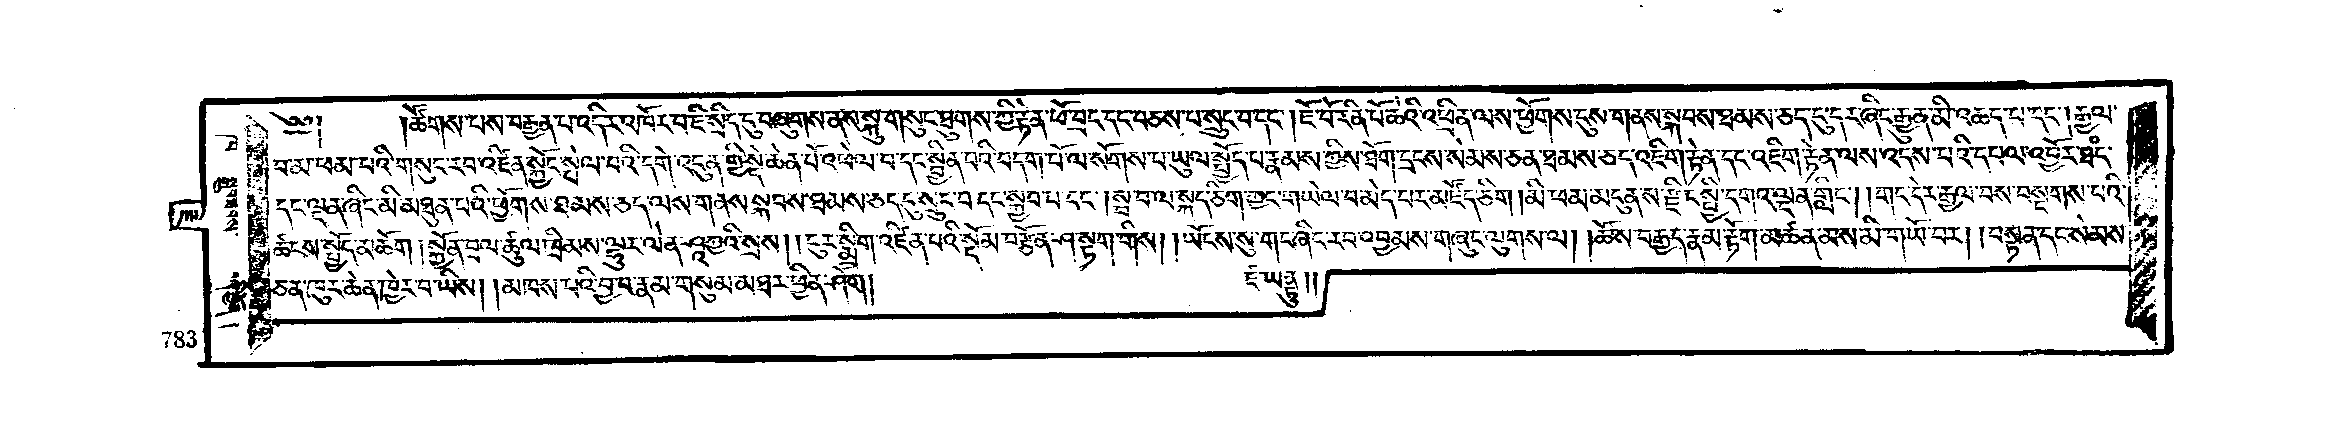༄༅། །ཚོགས་པས་བརྒྱན་པ་འདིར་འཁོར་བ་ཇི་སྲིད་དུ་བཞུགས་ནས་སྐུ་གསུང་ཐུགས་ཀྱི་རྟེན་ཕོ་བྲང་དང་བཅས་པ་སྲུང་བ་དང་། ཇོ་བོ་རིན་པོ་ཆེའི་འཕྲིན་ལས་ཕྱོགས་དུས་གནས་སྐབས་ཐམས་ཅད་དུ་དར་ཞིང་རྒྱུན་མི་འཆད་པ་དང་། རྒྱལ་
བ་མ་ཕམ་པའི་གསུང་རབ་འཛིན་སྐྱོང་སྤེལ་བའི་དགེ་འདུན་གྱི་སྡེ་ཆེན་པོ་འཕེལ་བ་དང་སྦྱིན་པའི་བདག་པོ་ལ་སོགས་པ་ཡུལ་སྤྱོད་པ་རྣམས་ཀྱིས་ཐོག་དྲངས་སེམས་ཅན་ཐམས་ཅད་འཇིག་རྟེན་དང་འཇིག་རྟེན་ལས་འདས་པའི་དཔལ་འབྱོར་ཐམས་ཅད་
དང་ལྡན་ཞིང་མི་མཐུན་པའི་ཕྱོགས་ཐམས་ཅད་ལས་གནས་སྐབས་ཐམས་ཅད་དུ་སྲུང་བ་དང་སྐྱབ་པ་དང་། སྦ་བ་ལ་སྐད་ཅིག་ཀྱང་གཡེལ་བ་མེད་པར་མཛོད་ཅིག །མི་ཕམ་མདུན་ས་རྫིང་སྤྱི་དགའ་ལྡན་གླིང་། །གང་དེར་རྒྱལ་བས་བསྔགས་པའི་
ཚངས་སྤྱོད་མཆོག །སྐྱོན་བྲལ་ཚུལ་ཁྲིམས་ལྷུར་ལེན་ཤཱཀྱའི་སྲས། །ངུར་སྨྲིག་འཛིན་པའི་སྡོམ་བརྩོན་ཤ་སྟག་གིས། །ཡོངས་སུ་གང་ཞིང་རབ་འབྱམས་གཞུང་ལུགས་ལ། །ཆོས་བརྒྱད་རྣམ་རྟོག་མཚན་མས་མི་གཡོ་བར། །བསྟན་དང་སེམས་ཅན་ཁྲུང་ཆེན་ཁྱེར་བ་ཡིས། །མཁས་པའི་བྱ་བ་རྣམ་གསུམ་མཐར་ཕྱིན་ཤོག ། ཛ་ཡནྟུ།།